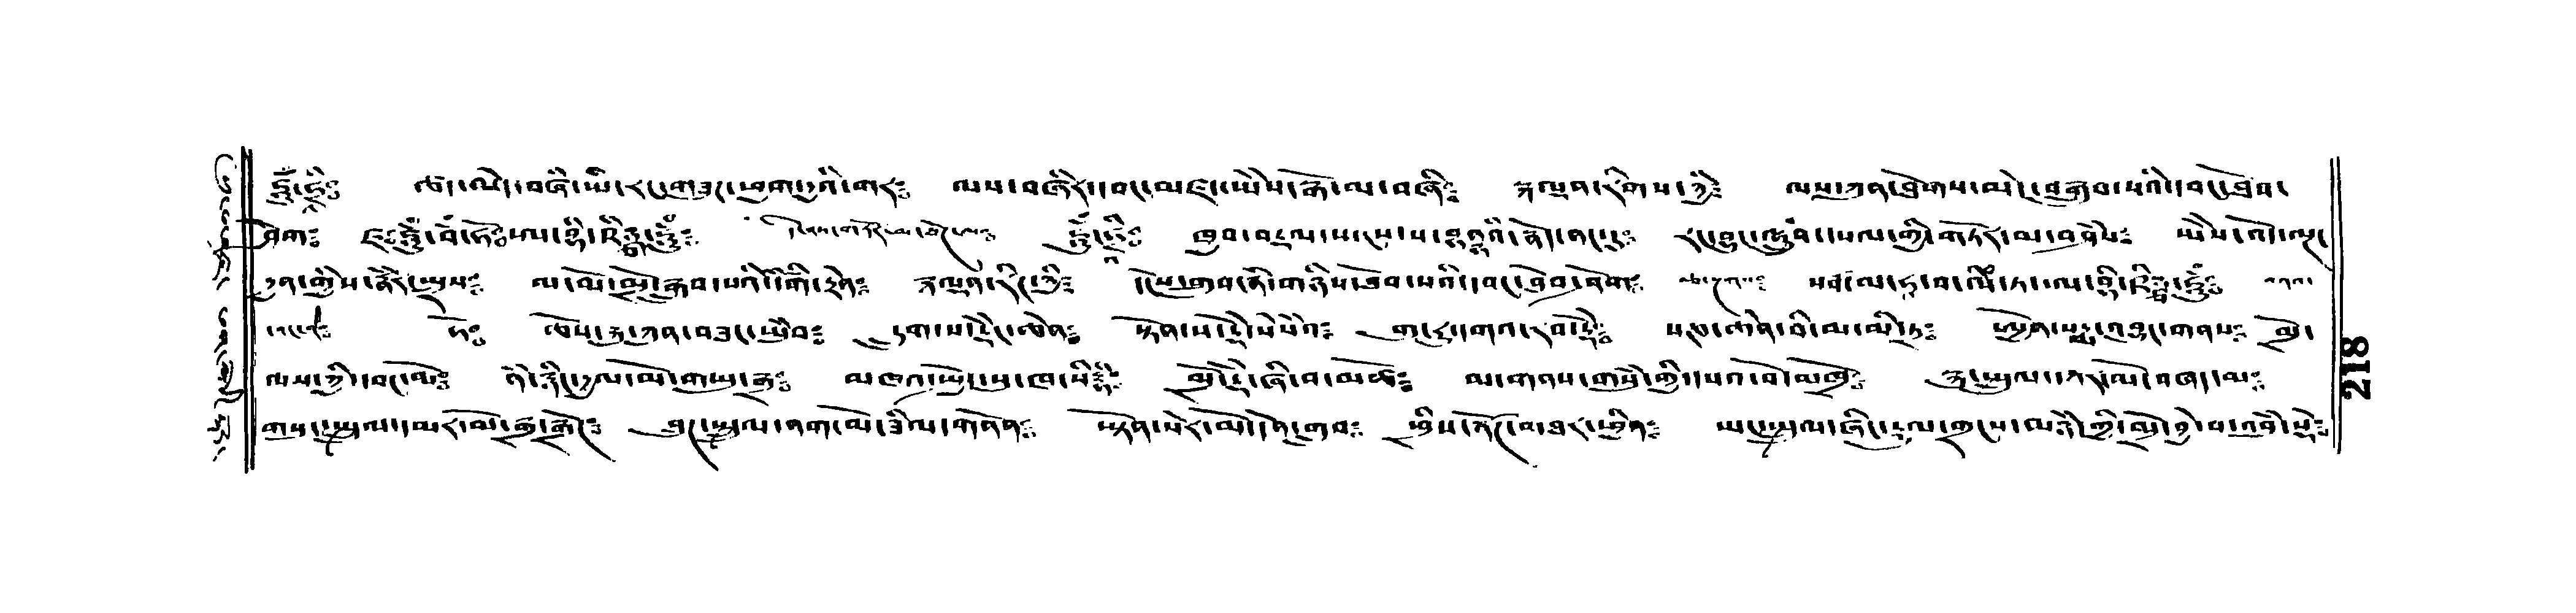ཧཱུྃ་ཧྲཱིཿ ཚད་མེད་བཞི་ཡི་རང་གཟུགས་ཕྱག་རྒྱའི་གར༔ ལས་བཞིར་དབང་མཛད་ཡེ་ཤེས་སྒོ་མ་བཞི༔ སྐལ་ལྡན་རིགས་ཀྱི༴ ལས་ཀུན་ཐོགས་མེད་བསྒྲུབ་པའི་དབང་ཐོབ་
ཤོག༔ ཛཿཧཱུྃ་བྃ་ཧོཿཨ་བྷི་རིཉྩ་ཧཱུྃ༔ དེ་ནས་གཏོར་མ་ཐོགས་ལ༔ ཧཱུྃ་ཧྲཱིཿ ཁྱབ་བརྡལ་པགས་པ་བྷནྡྷའི་སྣོད་ནང་དུ༔ རང་བྱུང་ལྷུན་གྲུབ་དཔལ་གྱི་གཏོར་མ་བཤམས༔ ཡེ་ཤེས་འོད་ལྔ་
རྒྱན་གྱིས་རྣམ་པར་སྤྲས༔ མ་མོ་མཁའ་འགྲོ་སྒྲུབ་པའི་དམ་ཚིག་རྟེན༔ སྐལ་ལྡན་རིགས་ཀྱི༴ དངོས་གྲུབ་རྣམ་གཉིས་ཐོབ་པའི་དབང་ཐོབ་ཤོག༔ རྩ་སྔགས༔ སརྦ་མ་ཧཱ་བ་ལིཾ་ཏ་ཨ་བྷི་རིཉྩ་ཧཱུྃ༔ བཀའ་
དབང་ནི༔ ཧོཿ ཆོས་སྐུ་ཀུན་བཟང་ཡབ་ཡུམ༔ དྲུག་པ་རྡོ་རྗེ་འཆང་ཆེན༔ སྟོན་པ་རྡོ་རྗེ་སེམས་དཔའ༔ གུ་རུ་དགའ་རབ་རྡོ་རྗེ༔ པཎ་ཆེན་བི་མ་མི་ཏྲ༔ ཨོ་རྒྱན་པདྨ་འབྱུང་གནས༔ མཁའ་འགྲོ་
ལས་ཀྱི་དབང་མོ༔ ནམ་སྙིང་རྒྱལ་མོ་གཡུ་སྒྲ༔ མཁའ་སྤྱོད་སུ་ཁ་སིདྡྷི༔ མཁའ་འགྲོ་རྡོ་རྗེ་ཞི་བ་མཚོ༔ མ་གནས་གསུམ་གྱི་དཔའ་བོ་མཁའ་འགྲོ༔ སྐུ་སྤྲུལ་དཀར་མོ་བཞད་མ༔ 
གསུང་སྤྲུལ་དམར་མོ་སྒྲ་སྒྲོགས༔ ཐུགས་སྤྲུལ་ནག་མོ་ཟིལ་གནོན༔ ཡོན་ཏན་སེར་མོ་དོན་གྲུབ༔ ཕྲིན་ལས་སྣ་ཚོགས་མཐར་ཕྱིན༔ ཡང་སྤྲུལ་ཞིང་རྡུལ་གྲངས་མཉམ་གྱི་མཁའ་འགྲོ་བྱེ་བ་འབུམ་སྡེ༔